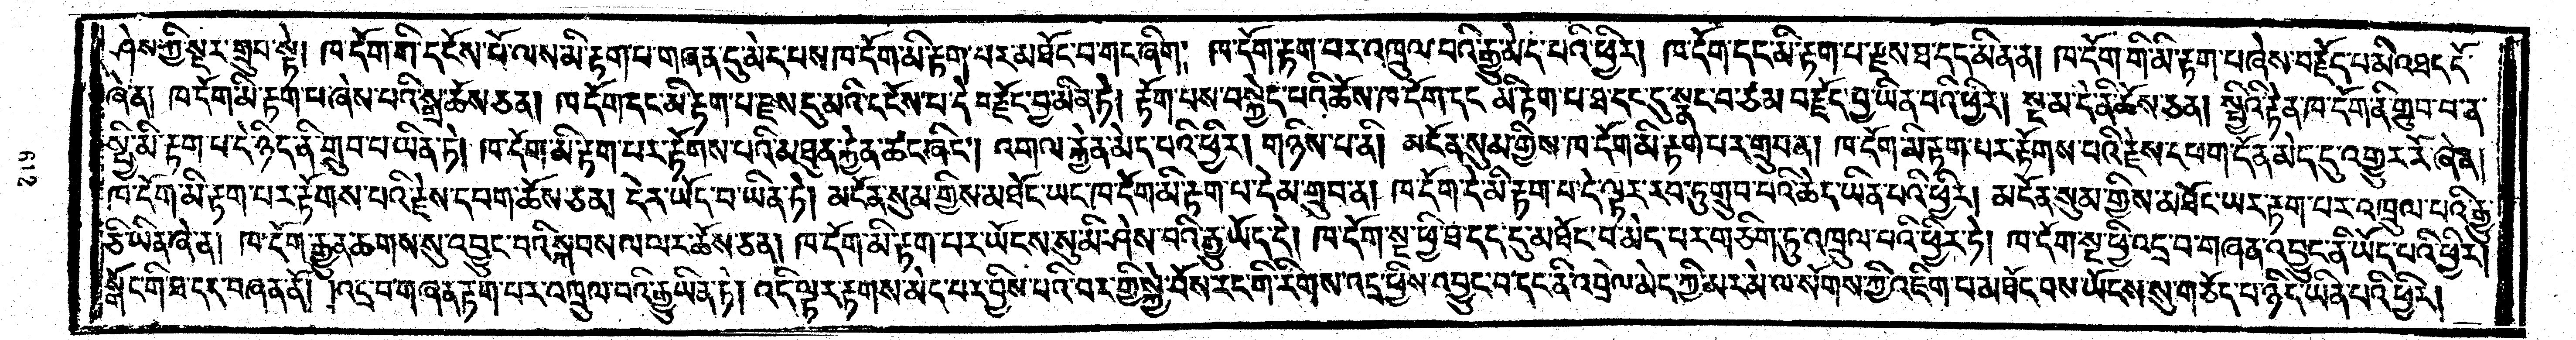ཤེས་ཀྱི་སྔར་གྲུབ་སྟེ། ཁ་དོག་གི་དངོས་པོ་ལས་མི་རྟག་པ་གཞན་དུ་མེད་པས་ཁ་དོག་མི་རྟག་པར་མཐོང་བ་གང་ཞིག། ཁ་དོག་རྟག་པར་འཁྲུལ་བའི་རྒྱུ་མེད་པའི་ཕྱིར། ཁ་དོག་དང་མི་རྟག་པ་རྫས་ཐ་དད་མིན་ན། ཁ་དོག་གི་མི་རྟག་པ་ཞེས་བརྗོད་པ་མི་འཐད་དོ་
ཞེ་ན། ཁ་དོག་མི་རྟག་པ་ཞེས་པའི་སྒྲ་ཆོས་ཅན། ཁ་དོག་དང་མི་རྟག་པ་རྫས་སུ་མའི་དངོས་པ་དེ་བརྗོད་བྱ་མིན་ཏེ། རྟོག་པས་བསྐྱེད་པའི་ཆོས་ཁ་དོག་དང་། མི་རྟག་པ་ཐ་དང་དུ་སྣང་བ་ཙམ་བརྗོད་བྱ་ཡིན་པའི་ཕྱིར། སྔ་མ་དེ་ནི་ཆོས་ཅན། སྤྱིའི་རྟེན་ཁ་དོག་ནི་གྲུབ་པ་ན་
སྤྱི་མི་རྟག་པ་དེ་ཉིད་ནི་གྲུབ་པ་ཡིན་ཏེ། ཁ་དོག་མི་རྟག་པར་རྟོགས་པའི་མཐུན་རྐྱེན་ཚང་ཞིང་། འགལ་རྐྱེན་མེད་པའི་ཕྱིར། གཉིས་པ་ནི། མངོན་སུམ་གྱི་ཁ་དོག་མི་རྟག་པར་གྲུབ་ན། ཁ་དོག་མི་རྟག་པར་རྟོགས་པའི་རྗེས་དཔག་དོན་མེད་དུ་འགྱུར་རོ་ཞེ་ན།
ཁ་དོག་མི་རྟག་པར་རྟོགས་པའི་རྗེས་དཔག་ཆོས་ཅན། དེར་ཡོད་པ་ཡིན་ཏེ། མངོན་སུམ་གྱིས་མཐོང་ཡང་ཁ་དོག་མི་རྟག་པ་དེ་མ་གྲུབ་ན། ཁ་དོག་དེ་མི་རྟག་པ་དེ་ལྟར་རབ་ཏུ་གྲུབ་པའི་ཆེད་ཡིན་པའི་ཕྱིར། མངོན་སུམ་གྱིས་མཐོང་ཡར་རྟགས་པར་འཁྲུལ་པའི་རྒྱུ་
ཅི་ཡིན་ཞེ་ན། ཁ་དོག་རྒྱུན་ཆགས་སུ་འབྱུང་བའི་སྐབས་ལ་ལར་ཆོས་ཅན། ཁ་དོག་མི་རྟག་པར་ཡོངས་སུ་མི་ཤེས་པའི་རྒྱུ་ཡོད་དེ། ཁ་དོག་སྔ་ཕྱི་ཐ་དད་དུ་མཐོང་བ་མེད་པར་གཅིག་ཏུ་འཁྲུལ་པའི་ཕྱིར་ཏེ། ཁ་དོག་སྔ་ཕྱི་འདྲ་བ་གཞན་འབྱུང་ནི་ཡོད་པའི་ཕྱིར།
སྒོང་གི་ཐ་དད་བཞན་ནོ། །འདྲ་བ་གཞན་རྟག་པར་འཁྲུལ་པའི་རྒྱུ་ཡིན་ཏེ། འདི་ལྟར་རྟགས་མེད་པར་བྱིས་པའི་བར་གྱི་སྐྱེ་བོས་རང་གི་རིགས་འདྲ་ཕྱིས་འབྱུང་བ་དང་ནི་འབྲེལ་མེད་ཀྱི་མར་མེ་ལ་སོགས་ཀྱི་འཇིག་པ་མཐོང་བས་ཡོངས་སུ་གཅོད་པ་ཉིད་ཡིན་པའི་ཕྱིར།